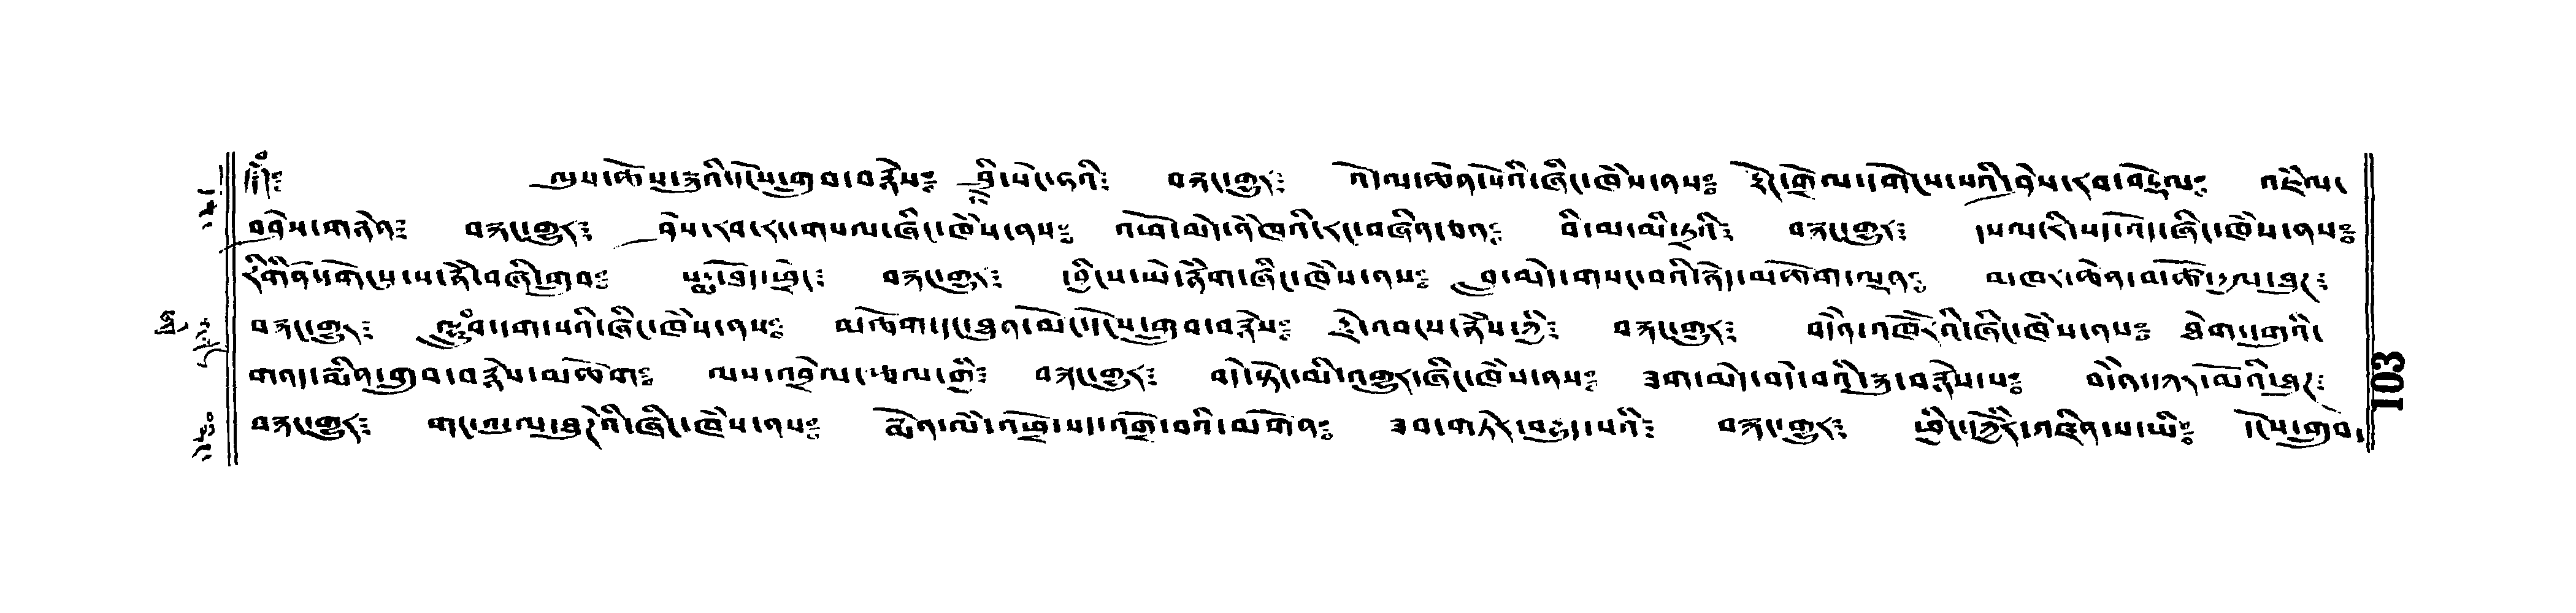ལུས་ཆོས་སྐུའི་དངོས་གྲུབ་བརྙེས༔ ཤྲཱི་སེང་ཧའི༴ བསྐང་གྱུར༴ འོད་གསལ་ཆེན་པོའི་ཞིང་ཁམས་ནས༔ རྟོགས་གྲོལ་དགོངས་པའི་ཤེས་རབ་བརྡོལ༔ འཇམ་དཔལ་
བཤེས་གཉེན༴ བསྐང་གྱུར༴ ཤེས་རབ་རང་གསལ་ཞིང་ཁམས་ནས༔ འཕོ་མེད་ནམ་མཁའི་རང་བཞིན་ཅན༔ བི་མ་མི་ཏྲའི༴ བསྐང་གྱུར༴ དཔལ་རི་པད་འོད་ཞིང་ཁམས་ནས༔ 
རིག་འཛིན་དགོངས་པ་རྣམ་བཞི་གྲུབ༔ པདྨ་ཐོད་ཕྲེང༴ བསྐང་གྱུར༴ དབྱིངས་ཡེ་རྣམ་དག་ཞིང་ཁམས་ནས༔ བླ་མེད་གསང་བའི་སྣོད་མཆོག་ལྡན༔ མཁར་ཆེན་མཚོ་རྒྱལ་ཐུགས༴ 
བསྐང་གྱུར༴ ལྷུན་གྲུབ་དག་པའི་ཞིང་ཁམས་ནས༔ མཆོག་དང་ཐུན་མོང་དངོས་གྲུབ་བརྙེས༔ རྗེ་འབངས་རྣམས་ཀྱི༴ བསྐང་གྱུར༴ བདེ་ཆེན་འཁོར་ལོའི་ཞིང་ཁམས་ནས༔ ཐེག་དགུའི་
གནད་སྨིན་གྲུབ་བརྙེས་མཆོག༔ ལས་འབྲེལ་རྩལ་གྱི༴ བསྐང་གྱུར༴ བདེ་སྟོང་མི་འགྱུར་ཞིང་ཁམས་ནས༔ ཟག་མེད་བདེ་བའི་སྐུ་བརྙེས་པ༔ བདེ་ཆེན་དཀར་མོའི་ཐུགས༴ 
བསྐང་གྱུར༴ གང་འདུལ་ཐུགས་རྗེའི་ཞིང་ཁམས་ནས༔ སྨོན་ལམ་འཕྲོ་སད་འགྲོ་བའི་མགོན༔ ཟབ་གཏེར་བརྒྱུད་པའི༴ བསྐང་གྱུར༴ ཕྱི་ནང་དཀྱིལ་འཁོར་འཛིན་པ་ཡི༔ དངོས་གྲུབ་